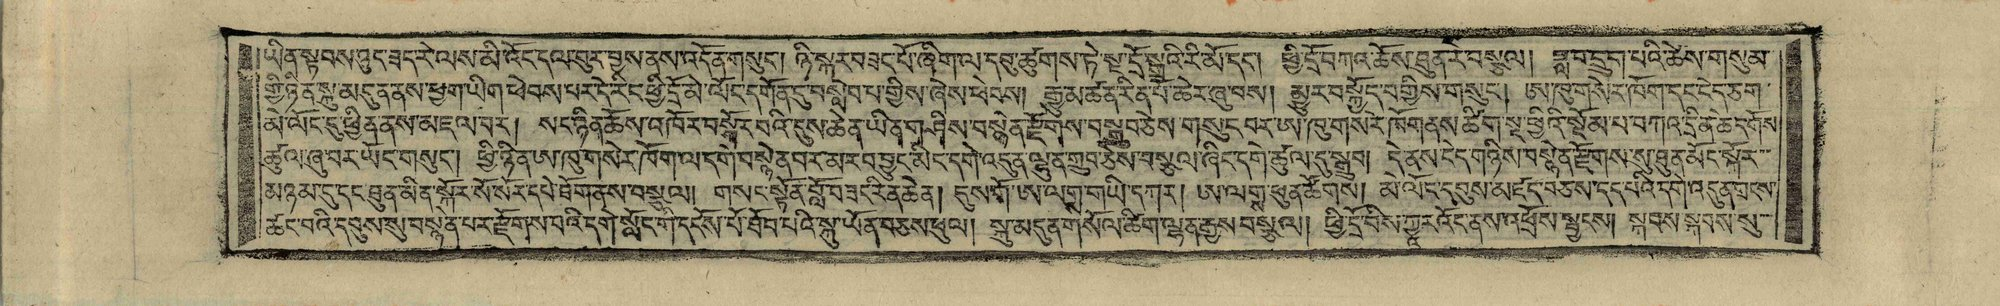ཡིན་སྟབས་ཉུང་ཟད་རེ་ལས་མི་འོང་དལ་བུར་བྱས་ནས་འདོན་གསུང་། ཉི་སྐར་བཟང་པོ་ཞིག་ལ་དབུ་ཚུགས་ཏེ་སྔ་དྲོ་སྒྲའི་རི་མོ་དང་། ཕྱི་དྲོ་བཀའ་ཆོས་ཐུན་རེ་བསྩལ། ཟླ་བ་དྲུག་པའི་ཚེས་གསུམ་
གྱི་ཉིན་སྐུ་མདུན་ནས་ཕྱག་ཡིག་ཕེབས་པར་དེ་རིང་ཕྱི་དྲོ་མེ་ལོང་དགོན་དུ་བསླེབ་པ་གྱིས་ཞེས་ཕེབས། རྒྱུ་མཚན་རིན་པོ་ཆེར་ཞུ་བས། མྱུར་བསྐྱོད་བགྱིས་གསུང་། ཨ་ཁུ་གསེར་ཁོག་དང་ངེད་ཅག་
མེ་ལོང་དུ་ཕྱིན་ནས་མཇལ་བར། སང་ཉིན་ཆོས་འཁོར་བསྐོར་བའི་དུས་ཆེན་ཡིན་གཤིས་བསྙེན་རྫོགས་བསྒྲུབ་ཅེས་གསུང་བར་ཨ་ཁུ་གསེར་ཁོག་ནས་ཚིག་སྔ་ཕྱིའི་སྡོམ་པ་བཀའ་དྲིན་ཆེ་དགོས་
ཚུལ་ཞུ་བར་ཡོང་གསུང་། ཕྱི་ཉིན་ཨ་ཁུ་གསེར་ཁོག་ལ་དགེ་བསྙེན་བར་མ་རབ་བྱུང་མིང་དགེ་འདུན་ལྷུན་གྲུབ་ཅེས་བསྩལ་ཞིང་དགེ་ཚུལ་དུ་སྒྲུབ། དེ་ནས་ངེད་གཉིས་བསྙེན་རྫོགས་སུ་ཐུན་མོང་སྐོར་
མཉམ་དུ་དང་ཐུན་མིན་སྐོར་སོ་སོར་དཔེ་ཐོག་ནས་བསྩལ། གསང་སྟོན་བློ་བཟང་རིན་ཆེན། དུས་གོ་ཨ་ལགས་གཡི་དཀར། ཨ་ལགས་ཕུན་ཚོགས། མེ་ལོང་དབུས་མཛད་བཅས་དད་པའི་དགེ་འདུན་གྲངས་
ཚང་བའི་དབུས་སུ་བསྙེན་པར་རྫོགས་པའི་དགེ་སློང་གི་དངོས་པོ་ཐོབ་པའི་སྐུ་ཡོན་བཅས་ཕུལ། སྐུ་མདུན་གསོལ་ཚིག་ལྷན་རྒྱས་བསྩལ། ཕྱི་དྲོ་བིས་ཀྱཱར་འོང་ནས་འཕྲོས་སྦྱངས། སྐབས་སྐབས་སུ་